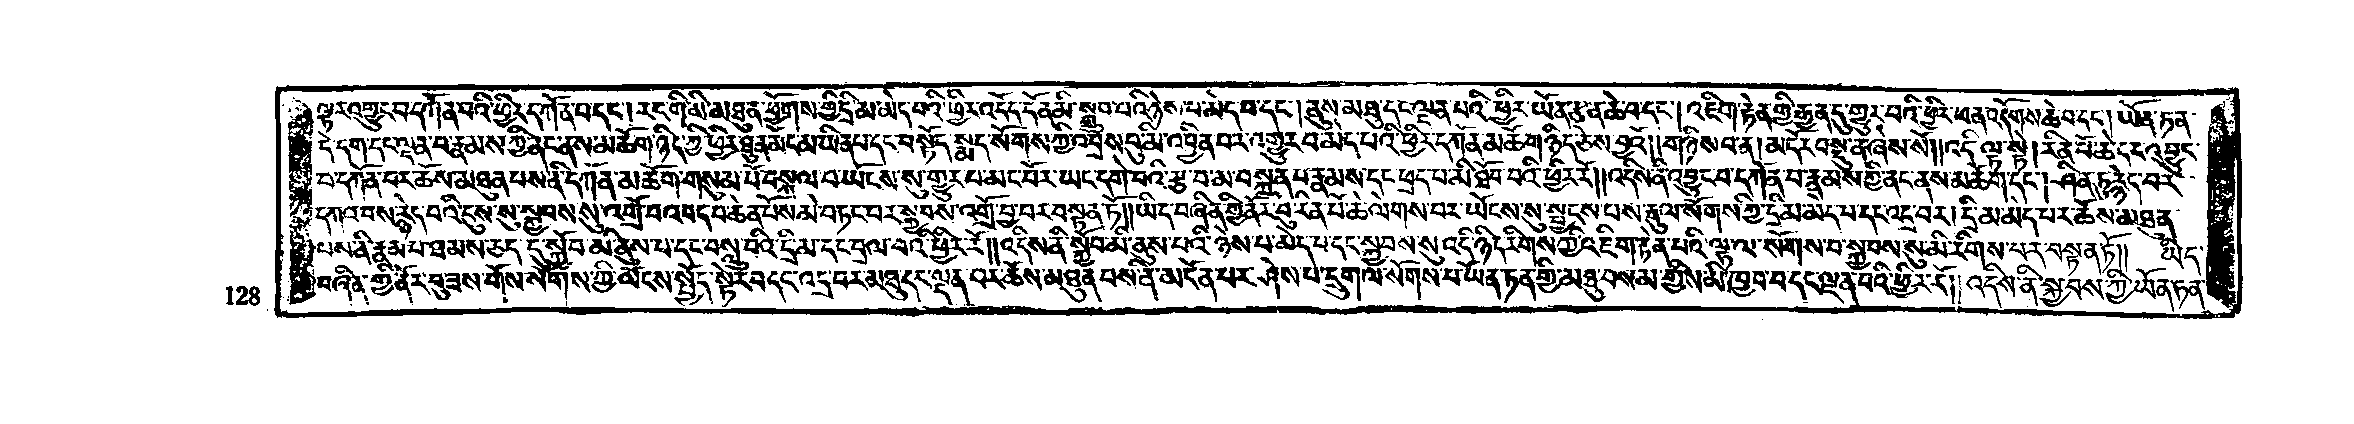ལྟར་འགྱུར་བ་དཀོན་པའི་ཕྱིར་དཀོན་པ་དང་། རང་གི་མི་མཐུན་ཕྱོགས་གྱི་དྲི་མ་མེད་པའི་ཕྱིར་འདོད་དོན་མི་སྒྲུབ་པའི་ཉེས་པ་མེད་པ་དང་། ནུས་མཐུ་དང་ལྡན་པའི་ཕྱིར་ཡོན་རྩ་ན་ཆེ་བ་དང་། འཇིག་རྟེན་གྱི་རྒྱན་དུ་གྱུར་པའི་ཕྱིར་ཕན་འདོགས་ཆེ་བ་དང་། ཡོན་ཏན་
དེ་དག་དང་ལྡན་པ་རྣམས་ཀྱི་ནང་ནས་མཆོག་ཉིད་ཀྱི་ཕྱིར་ཐུན་མོང་མ་ཡིན་པ་དང་བསྟོད་སྨད་སོགས་ཀྱི་འབྲས་བུ་མི་འབྱིན་པར་འགྱུར་བ་མེད་པའི་ཕྱིར་དཀོན་མཆོག་ཉིད་ཅེས་བྱའོ། །གཉིས་པ་ནི། མདོར་བསྡུ་ན་ཞེས་སོ། །འདི་ལྟ་སྟེ། རིན་པོ་ཆེ་དང་འབྱུང་
བ་དཀོན་པར་ཆོས་མཐུན་པས་ནི་དཀོན་མཆོག་གསུམ་པོ་བསྐལ་པ་ཡོངས་སུ་གྱུར་པ་མང་པོར་ཡང་དགེ་བའི་རྩ་བ་མ་བསྐྲུན་པ་རྣམས་དང་ཕྲད་པ་མི་ཐོབ་པའི་ཕྱིར་རོ། །འདིས་ནི་འབྱུང་བ་དཀོན་པ་རྣམས་ཀྱི་ནང་ནས་མཆོག་དང་། ཤིན་ཏུ་རྙེད་པར་
དཀའ་བས་རྙེད་པའི་དུས་སུ་སྐྱབས་སུ་འགྲོ་བ་འབད་པ་ཆེན་པོས་མེ་བཏང་བར་སྐྱབས་འགྲོ་བྱ་བར་བསྟན་ཏོ། །ཡིད་བཞིན་གྱི་ནོར་བུ་རིན་པོ་ཆེ་ལེགས་པར་ཡོངས་སུ་སྦྱངས་པས་རྒུལ་སོགས་ཀྱི་དྲི་མ་མེད་པ་དང་འདྲ་བར། དྲི་མ་མེད་པར་ཆོས་མཐུན་པས་ནི་རྣམ་པ་ཐམས་ཅད་དུ་སྐྱོབ་མི་ནུས་པ་དང་བསླུ་བའི་དྲི་མ་དང་བྲལ་བའི་ཕྱིར་རོ། །འདིས་ནི་སྐྱོབ་མི་ནུས་པའི་ཉེས་པ་མེད་པ་དང་སྐྱབས་སུ་འདི་ཉིད་རིགས་ཀྱི་འཇིག་རྟེན་པའི་ལྟ་ལ་སོགས་པ་སྐྱབས་སུ་མི་རིགས་པར་བསྟན་ཏོ། །ཡིད་
བཞིན་གྱི་ནོར་བུ་ཟས་གོས་སོགས་ཀྱི་ལོངས་སྤྱོད་སྟེར་བ་དང་འདྲ་བར་མཐུ་དང་ལྡན་པར་ཆོས་མཐུན་པས་ནི་མངོན་པར་ཤེས་པ་དྲུག་ལ་སོགས་པ་ཡོན་ཏན་གྱི་མཐུ་བསམ་གྱིས་མི་ཁྱབ་པ་དང་ལྡན་པའི་ཕྱིར་རོ། །འདིས་ནི་སྐྱབས་ཀྱི་ཡོན་ཏན་